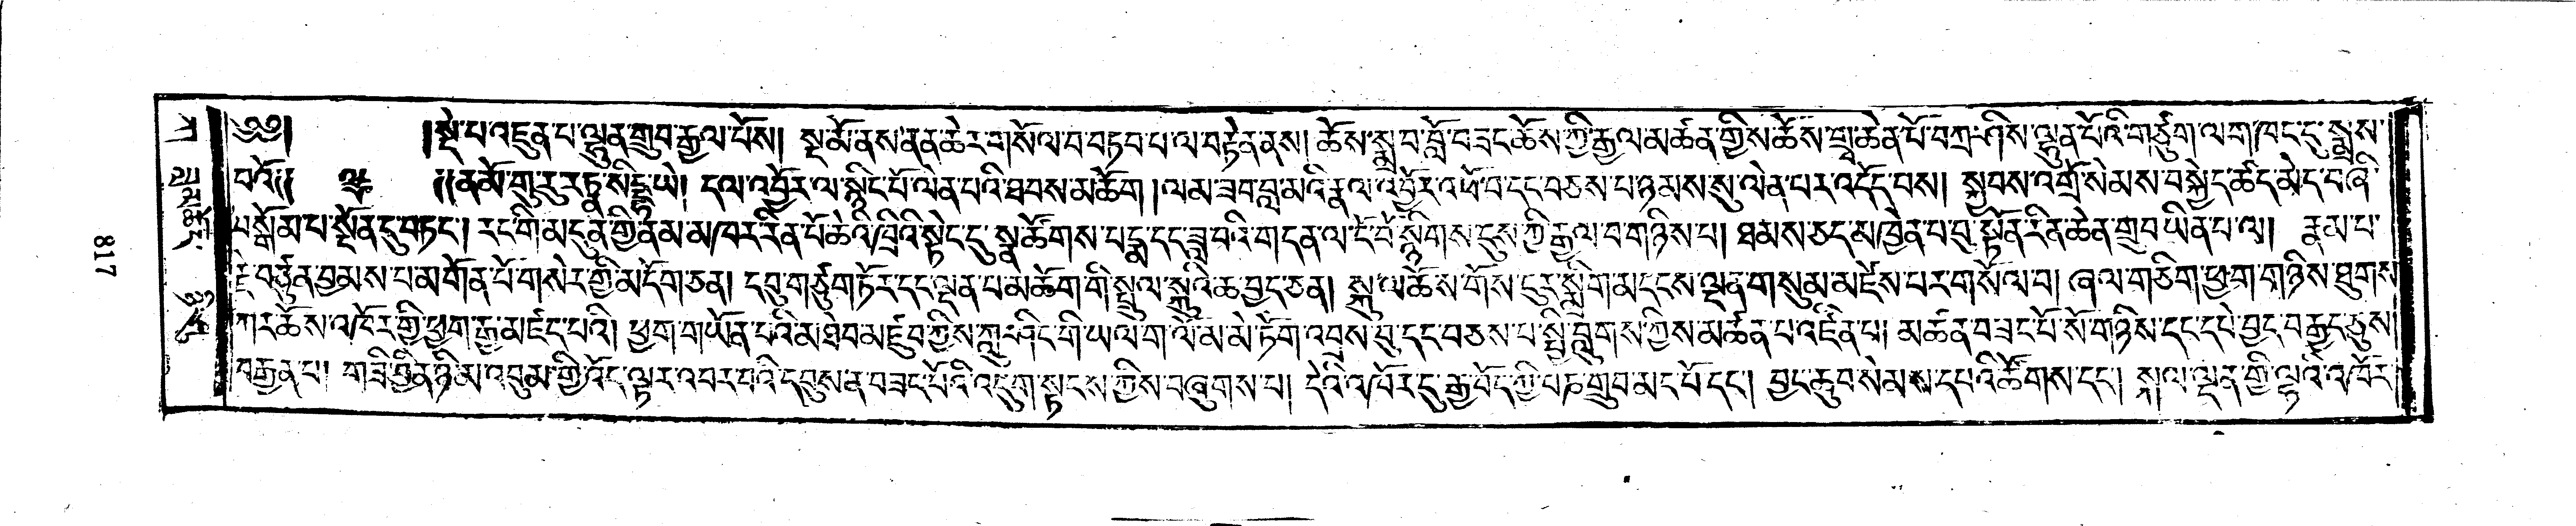༈ །།ན་མོ་གུ་རུ་རཏྣ་སིདྡྷ་ཡེ། དལ་འབྱོར་ལ་སྙིང་པོ་ལེན་པའི་ཐབས་མཆོག །ལམ་ཟབ་བླ་མའི་རྣལ་འབྱོར་འཕོ་བ་དང་བཅས་པ་ཉམས་སུ་ལེན་པར་འདོད་པས། སྐྱབས་འགྲོ་སེམས་བསྐྱེད་ཚད་མེད་བཞི་
བསྒོམ་པ་སྔོན་དུ་བཏང་། རང་གི་མདུན་གྱི་ནམ་མཁར་རིན་པོ་ཆེའི་ཁྲིའི་སྟེང་དུ་སྣ་ཚོགས་པདམ་དང་ཟླ་བའི་གདན་ལ་ངོ་བོ་སྙིགས་དུས་ཀྱི་རྒྱལ་བ་གཉིས་པ། ཐམས་ཅད་མཁྱེན་པ་བུ་སྟོན་རིན་ཆེན་གྲུབ་ཡིན་པ་ལ། རྣམ་པ་
རྗེ་བཙུན་བྱམས་པ་མགོན་པོ་གསེར་གྱི་མདོག་ཅན། དབུ་གཙུག་ཏོར་དང་ལྡན་པ་མཆོག་གི་སྤྲུལ་སྐུའི་ཆ་བྱད་ཅན། སྐུ་ལ་ཆོས་གོས་ངུར་སྨྲིག་མདངས་ལྡན་གསུམ་མཛེས་པར་གསོལ་བ། ཞལ་གཅིག་ཕྱག་གཉིས་ཐུགས་
ཀར་ཆོས་འཁོར་གྱི་ཕྱག་རྒྱ་མཛད་པའི། ཕྱག་གཡོན་པའི་མཐེབ་མཛུབ་ཀྱིས་ཀླུ་ཤིང་གི་ཡལ་ག་ལམ་མེ་ཏོག་འབྲས་བུ་དང་བཅས་པ་སྤྱི་བླུགས་ཀྱིས་མཚན་པ་འཛིན་པ། མཚན་བཟང་པོ་སོ་གཉིས་དང་དཔེ་བྱད་བརྒྱད་ཅུས་
བརྒྱན་པ། གཟི་བྱིན་ཉི་མ་འབུམ་གྱི་འོད་ལྟར་འབར་བའི་དབུས་ན་བཟང་པོའི་འདུག་སྟངས་ཀྱིས་བཞུགས་པ། དེའི་འཁོར་དུ་རྒྱ་བོད་ཀྱི་པཎ་གྲུབ་མང་པོ་དང་། བྱང་ཆུབ་སེམས་དཔའི་ཚོགས་དང་། སྐལ་ལྡན་གྱི་ལྷའི་འཁོར་